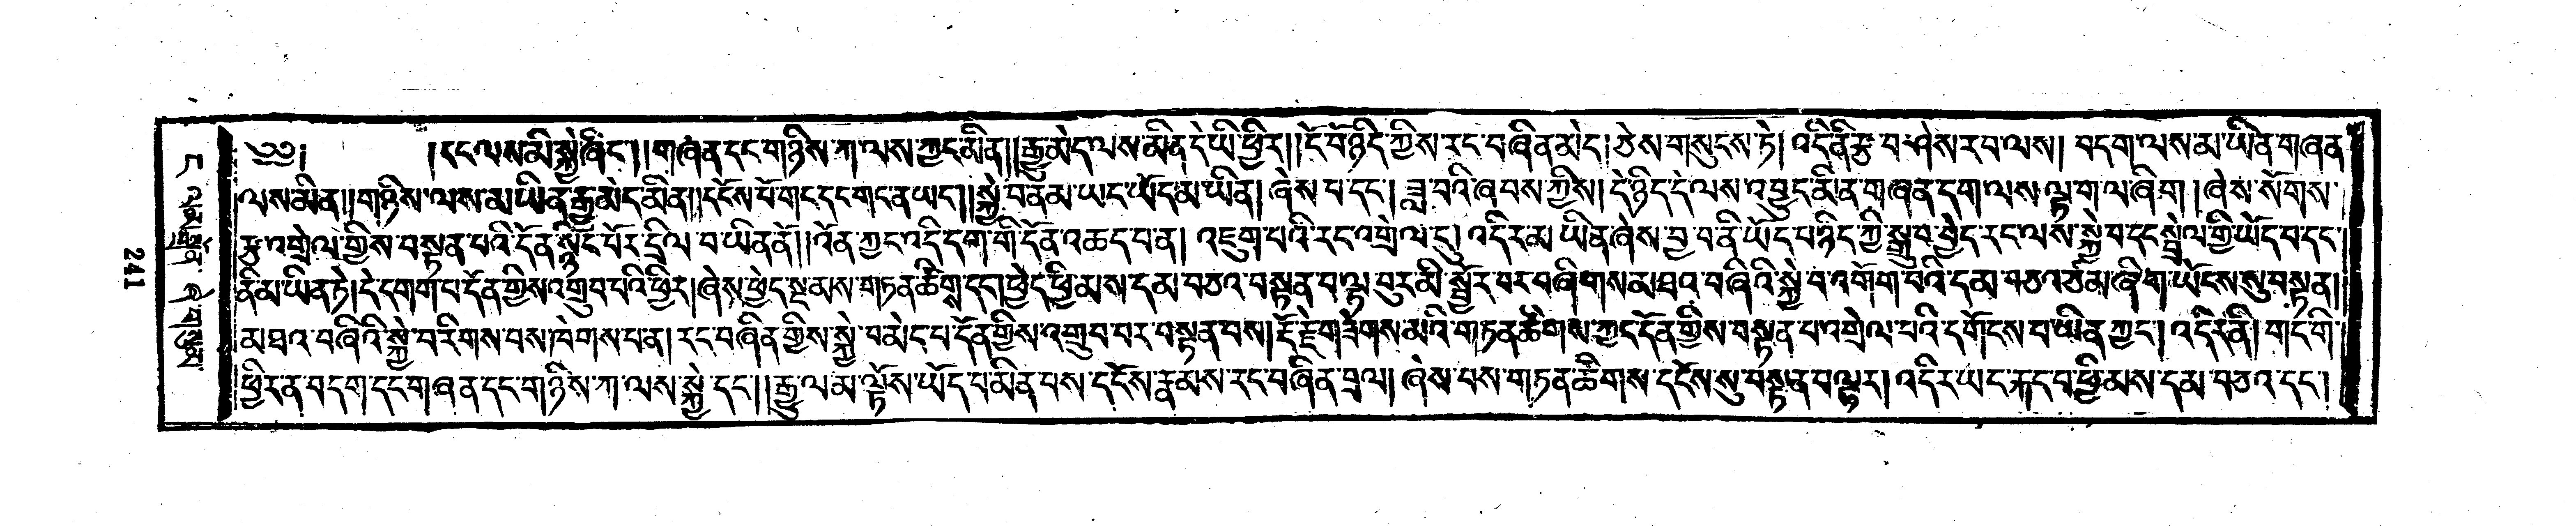༄༅། །རང་ལས་མི་སྐྱེ་ཞིང་། །གཞན་དང་གཉིས་ཀ་ལས་ཀྱང་མིན། །རྒྱུ་མེད་ལས་མིན་དེ་ཡི་ཕྱིར། །ངོ་བོ་ཉིད་ཀྱིས་རང་བཞིན་མེད། ཅེས་གསུངས་ཏེ། འདི་ནི་རྩ་བ་ཤེས་རབ་ལས། བདག་ལས་མ་ཡིན་གཞན་
ལས་མིན། །གཉིས་ལས་མ་ཡིན་རྒྱུ་མེད་མིན། །དངོས་པོ་གང་དང་གང་ན་ཡང་། །སྐྱེ་བ་ནམ་ཡང་ཡོད་མ་ཡིན། ཞེས་པ་དང་། ཟླ་བའི་ཞབས་ཀྱིས། དེ་ཉིད་དེ་ལས་འབྱུང་མིན་གཞན་དག་ལས་ལྟ་ག་ལ་ཞིག །ཞེས་སོགས་
རྩ་འགྲེལ་གྱིས་བསྟན་པའི་དོན་སྙིང་པོར་དྲིལ་བ་ཡིན་ནོ། །འོན་ཀྱང་འདི་དག་གི་དོན་འཆད་པ་ན། འཇུག་པའི་རང་འགྲེལ་དུ། འདིར་མ་ཡིན་ཞེས་བྱ་བ་ནི་ཡོད་པ་ཉིད་ཀྱི་སྒྲུབ་བྱེད་རང་ལས་སྐྱེ་བ་དང་སྦྲེལ་གྱི་ཡོད་པ་དང་
ནི་མ་ཡིན་ཏེ། དེ་དགག་པ་དོན་གྱིས་འགྲུབ་པའི་ཕྱིར། ཞེས་ཕྱེད་སྔ་མས་གཏན་ཚིག་དང་། ཕྱེད་ཕྱི་མས་དམ་བཅའ་བསྟན་པ་ལྟ་བུར་མི་སྦྱོར་བར་བཞི་གས་མཐའ་བཞིའི་སྐྱེ་བ་འགོག་པའི་དམ་བཅའ་ཙམ་ཞིག་ཡོངས་སུ་བསྟན།
མཐའ་བཞིའི་སྐྱེ་བ་རིགས་པས་ཁེགས་པ་ན། རང་བཞིན་གྱིས་སྐྱེ་བ་མེད་པ་དོན་གྱིས་འགྲུབ་པར་བསྟན་པས། རྡོ་རྗེ་གཟེགས་མའི་གཏན་ཚིགས་ཀྱང་དོན་གྱིས་བསྟན་པ་འགྲེལ་པའི་དགོངས་པ་ཡིན་ཀྱང་། འདིར་ནི། གང་གི་
ཕྱིར་ན་བདག་དང་གཞན་དང་གཉིས་ཀ་ལས་སྐྱེ་དང་། །རྒྱུ་ལ་མ་ལྟོས་ཡོད་པ་མིན་པས་དངོས་རྣམས་རང་བཞིན་བྲལ། ཞེས་པས་གཏན་ཚིགས་དངོས་སུ་བསྟན་པ་ལྟར། འདིར་ཡང་རྐང་པ་ཕྱི་མས་དམ་བཅའ་དང་།